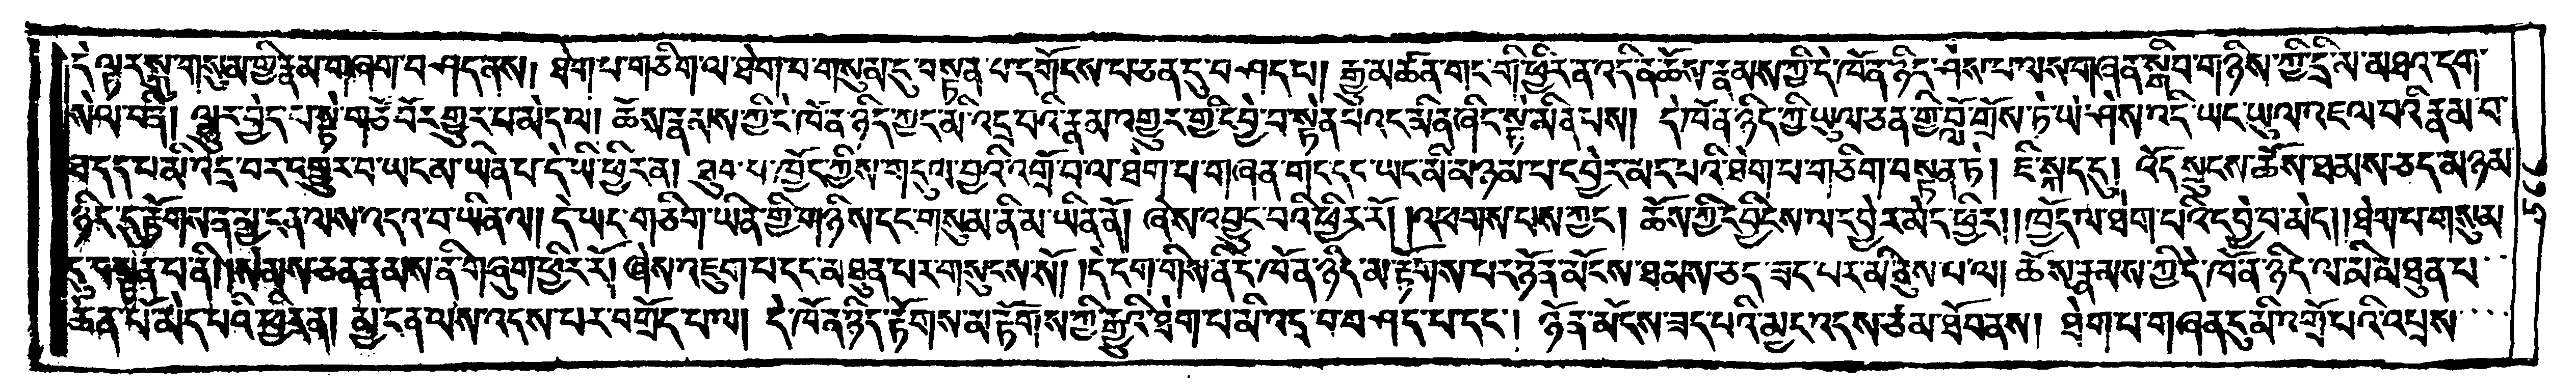དེ་ལྟར་སྐུ་གསུམ་གྱི་རྣམ་གཞག་བཤད་ནས། ཐེག་པ་གཅིག་ལ་ཐེག་པ་གསུམ་དུ་བསྟན་པ་དགོངས་པ་ཅན་དུ་བཤད་པ། རྒྱུ་མཚན་གང་གི་ཕྱིར་ན་འདི་ན་ཆོས་རྣམས་ཀྱི་དེ་ཁོ་ན་ཉིད་ཤེས་པ་ལས་གཞན་སྒྲིབ་གཉིས་ཀྱི་དྲི་མ་མཐའ་དག་
སེལ་པ་ནི། ལྷུར་བྱེད་པ་སྟེ་གཙོ་བོར་གྱུར་པ་མེད་ལ། ཆོས་རྣམས་ཀྱི་དེ་ཁོ་ན་ཉིད་ཀྱང་མི་འདྲ་བའི་རྣམ་འགྱུར་གྱི་དབྱེ་བ་སྟེན་པའང་མིན་ཞིང་སྟེ་མིན་པས། དེ་ཁོ་ན་ཉིད་ཀྱི་ཡུལ་ཅན་གྱི་བློ་གྲོས་ཏེ་ཡེ་ཤེས་འདི་ཡང་ཡུལ་འཇལ་བའི་རྣམ་པ་
ཐ་དད་པ་མི་འདྲ་བར་འགྱུར་བ་ཡང་མ་ཡིན་པ་དེ་ཡི་ཕྱིར་ན། ཐུབ་པ་ཁྱོད་ཀྱིས་གདུལ་བྱའི་འགྲོ་བ་ལ་ཐེག་པ་གཞན་གང་དང་ཡང་མི་མཉམ་པ་དབྱེར་མེད་པའི་ཐེག་པ་གཅིག་བསྟན་ཏེ། ཇི་སྐད་དུ། འོད་སྲུངས་ཆོས་ཐམས་ཅད་མཉམ་པ་
ཉིད་དུ་རྟོགས་ན་མྱ་ངན་ལས་འདའ་བ་ཡིན་ལ། དེ་ཡང་གཅིག་ཡིན་གྱི་གཉིས་དང་གསུམ་ནི་མ་ཡིན་ནོ། ཞེས་འབྱུང་བའི་ཕྱིར་རོ། །འཕགས་པས་ཀྱང་། ཆོས་ཀྱི་དབྱིངས་ལ་དབྱེར་མེད་ཕྱིར། །ཁྱོད་ལ་ཐེག་པའི་དབྱེ་བ་མེད། །ཐེག་པ་གསུམ་
དུ་བསྟན་པ་ནི། །སེམས་ཅན་རྣམས་ནི་གཞུག་ཕྱིར་རོ། ཞེས་འཇུག་པ་དང་མཐུན་པར་གསུངས་སོ། །དེ་དག་གིས་ནི་དེ་ཁོ་ན་ཉིད་མ་རྟོགས་པར་ཉོན་མོངས་ཐམས་ཅད་ཟད་པར་མི་ནུས་པ་ལ། ཆོས་རྣམས་ཀྱི་དེ་ཁོ་ན་ཉིད་ལ་མི་མཐུན་པ་
ཆེན་པོ་མེད་པའི་ཕྱིར་ན། མྱ་ངན་ལས་འདས་པར་བགྲོད་དང་ལ། དེ་ཁོ་ན་ཉིད་རྟོགས་མ་རྟོགས་ཀྱི་རྒྱུའི་ཐེག་པ་མི་འདྲ་བ་བཤད་པ་དང་། ཉོན་མོངས་ཟད་པའི་མྱང་འདས་ཙམ་ཐོབ་ནས། ཐེག་པ་གཞན་དུ་མི་འགྲོ་བའི་འབྲས་